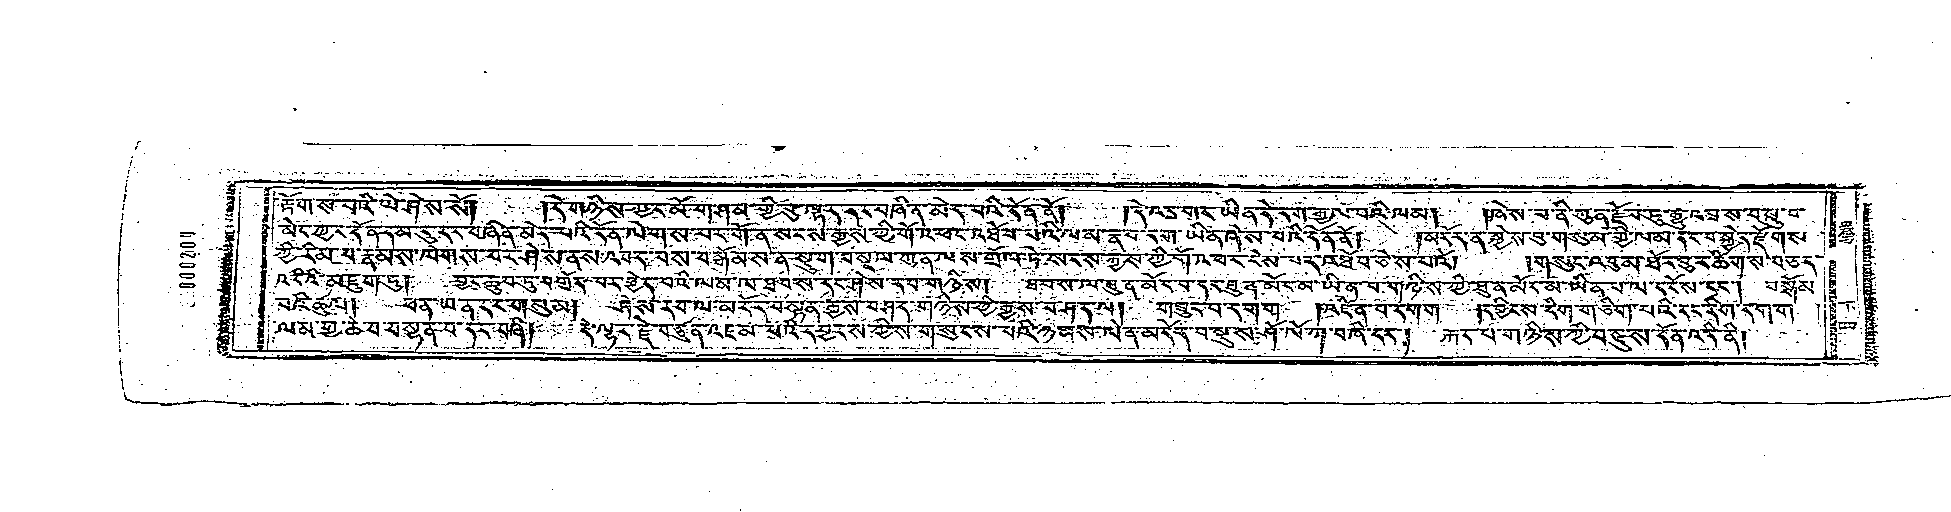རྟོགས་པའི་ཡེ་ཤེས་སོ། །དེ་གཉིས་ཀྱང་མོ་གཤམ་གྱི་བུ་ལྟར་རང་བཞིན་མེད་པའི་དོན་ནོ། །དེ་འདྲ་གང་ཡིན་དེ་དག་རྒྱལ་བའི་ལམ། །ཞེས་པ་ནི་ཀུན་རྫོ་པ་ཏུ་རྒྱུ་འབྲས་བསླུ་བ་
མེད་ཀྱང་དོན་དམ་དུ་རང་བཞིན་མེད་པའི་དོན་ལེགས་པར་གོ་ན་སངས་རྒྱས་ཀྱི་གོ་འཕང་འཐོབ་པའི་ལམ་རྣམ་དག་ཡིན་ཞེས་པའི་དོན་ནོ། །མངོར་ན་སྐྱེས་བུ་གསུམ་གྱི་ལམ་དང་བསྐྱེད་རྫོགས་
ཀྱི་རིམ་པ་རྣམས་ལེགས་བར་ཤེས་ནས་འབད་པས་བསྒོམས་ན་སྡུག་བསྔལ་ཀུན་ལས་གྲོལ་ཏེ་སངས་རྒྱས་ཀྱི་གོ་འཕང་ངེས་པར་འཐོབ་ཅེས་པའོ། །གསུང་འབུམ་ཐོར་བུར་ཚིགས་བཅད་
འདིའི་མཇུག་ཏུ། བྱང་ཆུབ་དུ་བགྲོད་པར་བྱེད་བའི་ལམ་ལ་ཐབས་དང་ཤེས་རབ་གཉིས། ཐབས་ལ་ཐུན་མོང་བ་དང་ཐུན་མོང་མ་ཡིན་པ་གཉིས་ཀྱི་ཐུན་མོང་མ་ཡིན་པ་ལ་དངོས་དང་། བསྒོམ་
བའི་ཚུལ། ཕན་ཡན་དང་གསུམ། ཤེས་རབ་ལ་མདོར་བསྟན་རྒྱས་བཤད་གཉིས་ཀྱི་རྒྱས་བཤད་ལ། གཟུང་བ་དགག །འཛིན་པ་དགག །དབྱིངས་རིག་གཅིག་པའི་རང་རིག་དགག །
ལམ་གྱི་ཆེ་བ་བསྟན་བ་དང་བཞི། དེ་ལྟར་རྗེ་བཙུན་འཇམ་པའི་དབྱངས་ཀྱིས་གསུངས་པའི་ཉམས་ལེན་མདོར་བསྡུས་ཤོ་ལོ་ཀ་བཞི་དང་། རྐང་པ་གཉིས་ཀྱི་བཅུ་ས་དོན་འདི་ནི།